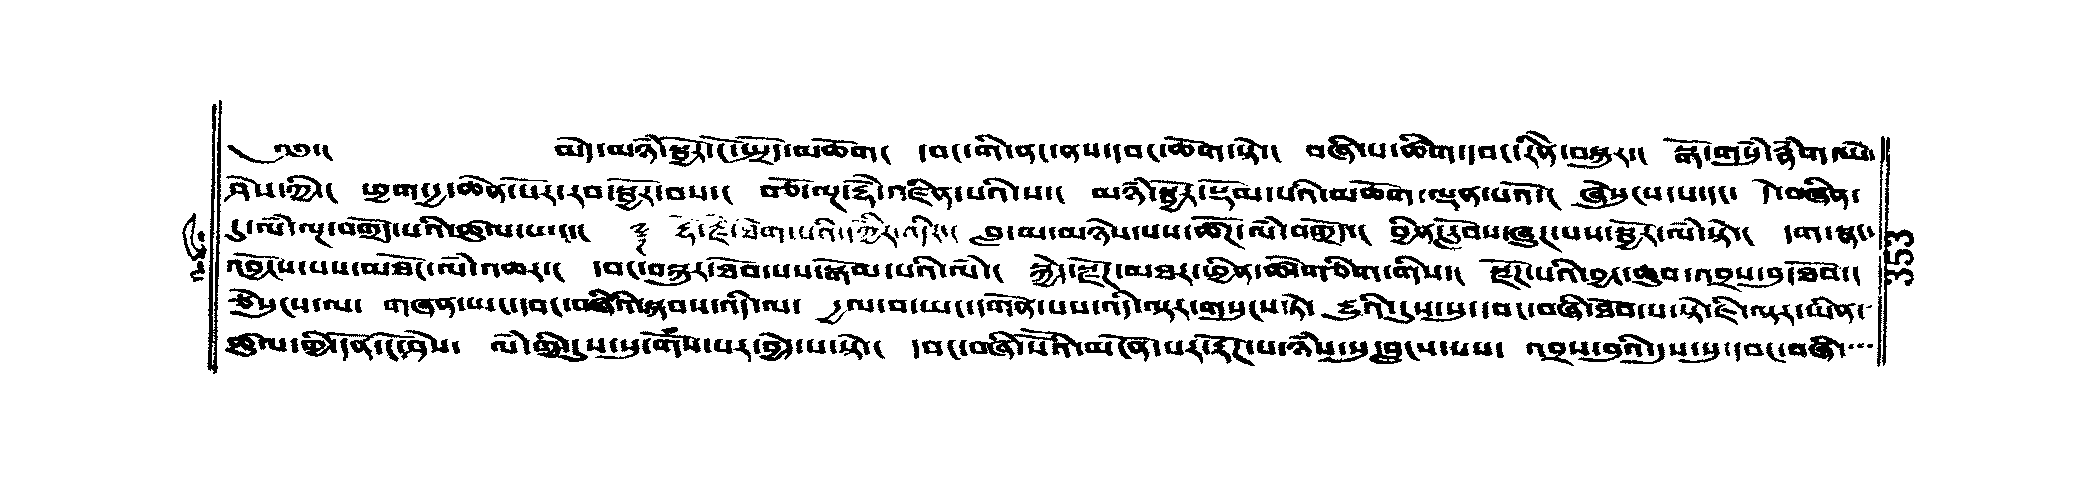མེད་མཉམ་སྦྱོར་ངོ་སྤྲོད་མཆོག །དབང་གི་ནང་ནས་དབང་ཆོག་སྟེ། །བཞི་པ་ཚིག་དབང་རིན་ཆེན་བསྐུར། །སྒོ་གསུམ་རྣམ་དག་ཡེ་
ཤེས་ཀྱི། །ཕྱག་རྒྱ་ཆེན་པོར་རབ་སྦྱོར་བས། །བཅོ་ལྔ་རྡོ་རྗེ་འཛིན་པའི་ས། །མཉམ་སྦྱོར་སྡོམ་པའི་མཆོག་ལྡན་པའོ། ཞེས་གསུངས་པ་དང་། དེ་བཞིན་
དུ་ལམ་ལྔ་བགྲོད་པའི་ཚུལ་ཡང་། རྡོ་རྗེ་ཐེག་པའི་དཀྱིལ་འཁོར་འདིར། །བླ་མ་མཉེས་པས་ཚོགས་ལམ་བགྲོད། །བྱིན་རླབས་ཞུགས་པས་སྦྱོར་ལམ་སྟེ། །དག་སྣང་
འབྱོངས་པས་མཐོང་ལམ་འཆར། །དབང་བསྐུར་ཐོབ་པས་སྒོམ་པའི་ལམ། །བསྐྱེད་རྫོགས་མཐར་ཕྱིན་ཚེ་གཅིག་གིས། །རྫོགས་པའི་བྱང་ཆུབ་འབྲས་བུ་ཐོབ། 
ཅེས་གསུངས་ལ། གཞན་ཡང་དབང་བཞིའི་སྐབས་འདི་ལ། རྒྱལ་བ་ཡང་དགོན་པས་འདི་ལྟར་གསུངས་ཏེ། རྒྱུའི་དུས་སུ་དབང་བཞི་ཐོབ་པ་སྟེ་ཇི་ལྟར་ཡིན་
ཚུལ་གྱི་དོན་ངོ་ཤེས། ལམ་གྱི་དུས་སུ་གོམས་པར་བྱེད་པ་སྟེ། དབང་བཞི་སོ་སོའི་མངོན་པར་རྟོགས་པ་ཉམས་སུ་བླངས་པས། འབྲས་བུའི་དུས་སུ་དབང་བཞི་